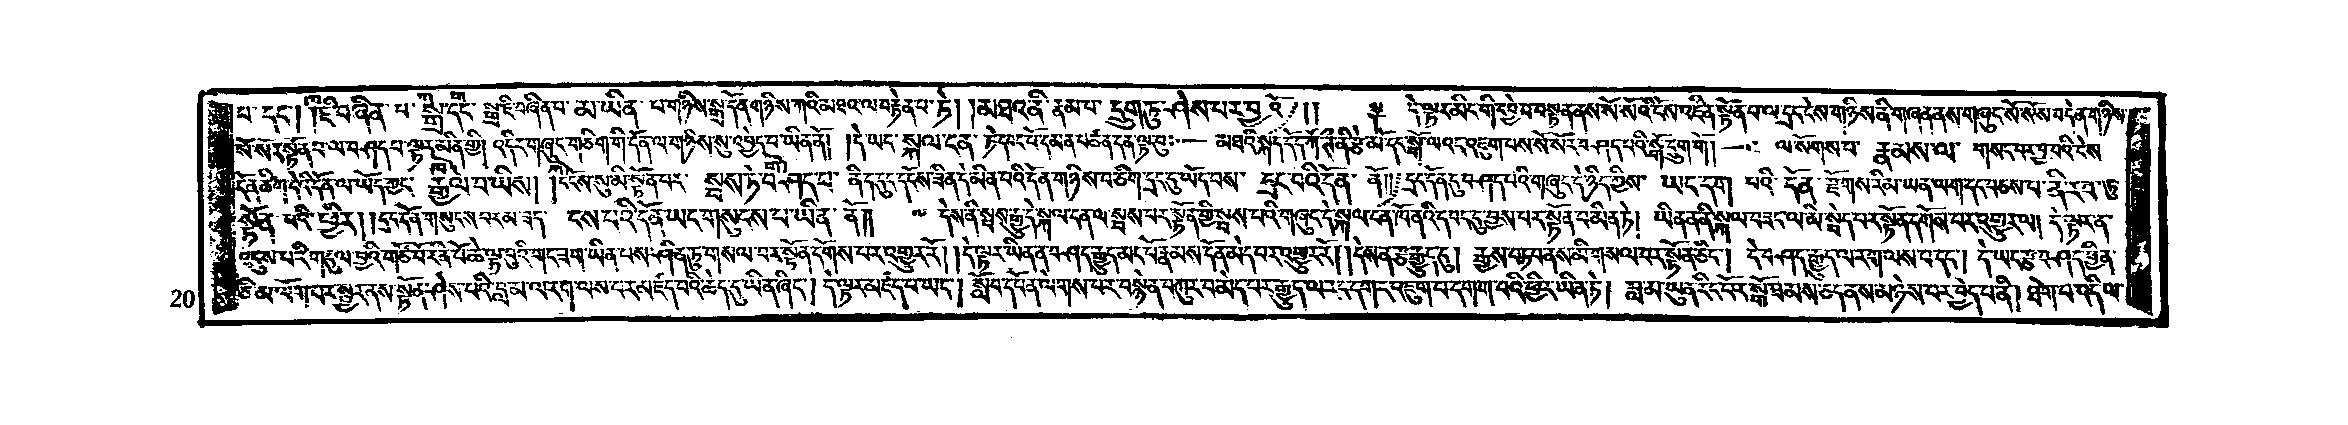པ་དང་། །ཇི་བཞིན་པ་ཀ་སྒྲ་དང་ག་སྒྲ་ཇི་བཞིན་པ་མ་ཡིན་པ་གཉིས་སྒྲ་དོན་གཉིས་ཀའི་མཐའ་ལ་བརྟེན་པ་ཏེ། །མཐའ་ནི་རྣམ་པ་དྲུག་ཏུ་ཤེས་པར་བྱའོ། ། ༈ དེ་ལྟར་མིང་གི་དབྱེ་བ་བསྟན་ནས་སོ་སོའི་ངོས་འཛིན་སྟོན་པ་ལ་དྲང་ངེས་གཉིས་ནི་གཞན་ནས་གཞུང་སོ་སོས་བདེན་གཉིས་
སོ་སོར་སྟོན་པ་ལ་བཤད་པ་ལྟར་མིན་གྱི། འདིར་གཞུང་གཅིག་གི་དན་ལ་གཉིས་སུ་འབྱེད་པ་ཡིན་ནོ། །དེ་ཡང་སྐལ་ངན་ཏེ་དབང་པོ་དམན་པ་ཙན་དན་ལྟ་བུ་མཐའི་སྐད་དོད་ཀོ་ཊྀ་ནི་རྩེ་མོ་དང་སྒོ་ལའང་འཇུག་པས་སོ་སོར་བཤད་པའི་སྒོ་དྲུག་གོ ། ལ་སོགས་པ་རྣམས་ལ་གསང་བར་བྱ་བའི་ངེས་
དོན་ཚིག་དེའི་དོན་ལ་ཡོད་ཀྱང་ཁ྄་རྒྱལ་བ་ཡིས། །ཀ྄་དངོས་སུ་མི་སྟོན་པར་སྦས་ཏེ་ག྄་བཤད་པ་ནི་ད་དུང་དངོས་ཟིན་དེ་མིན་པའི་དོན་གཉིས་པ་ཅིག་དྲང་དུ་ཡོད་པས་དྲང་བའི་དོན་ནོ།། དྲང་དོན་དུ་བཤད་པའི་གཞུང་དེ་ཉིད་ཀྱིས་ཡང་དག་པའི་དོན་རྫོགས་རིམ་ཡན་ལག་དང་བཅས་པ་ནི་རབ་ཏུ་
སྟོན་པའི་ཕྱིར། །དྲང་དོན་གསུངས་པར་མ་ཟད་ངས་པའི་དོན་ཡང་གསུངས་པ་ཡིན་ནོ།། ༧་དེས་ནི་སྦས་རྒྱུ་དེ་སྐལ་ངན་ལ་སྦས་པར་སྟོན་གྱི་སྦས་པའི་གཞུང་དེ་སྐལ་ངན་ཁོ་ནའི་དབང་དུ་བྱས་པར་སྟོན་པ་མིན་ཏེ། ཡིན་ན་ནི་སྐལ་བཟང་ལ་མི་སྦེད་པར་སྟོན་དགོས་པར་འགྱུར་ལ། དེ་ལྟར་ན་
འདུས་པའི་གདུལ་བྱའི་གཙོ་བོ་རིན་པོ་ཆེ་ལྟ་བུའི་གང་ཟག་ཡིན་པས་ཤིན་ཏུ་གསལ་བར་སྟོན་དགོས་པར་འགྱུར་རོ། །དེ་ལྟར་ཡིན་ན་བཤད་རྒྱུད་མང་པོ་རྣམས་དོན་མེད་པར་འགྱུར་རོ། །དེས་ན་རྩ་རྒྱུད་དུ། རྒྱས་བཏབ་ནས་མི་གསལ་བར་སྟོན་ཅིང་། དེ་བཤད་རྒྱུད་ལ་རག་ལས་པ་དང་། དེ་ཡང་རྩ་བཤད་ཕྱིན་
ཅི་མ་ལོག་པར་སྦྱར་ནས་སྟོན་ཤེས་པའི་བླ་མ་ལ་རག་ལས་པར་མཛད་པའི་ཆེད་དུ་ཡིན་ཞིང་། དེ་ལྟར་མཛད་པ་ཡང་། སློབ་དཔོན་ལེགས་པར་བསྙེན་བཀུར་བ་མེད་པར་རྒྱུད་ལ་རང་དགར་འཇུག་པ་དགག་པའི་ཕྱིར་ཡིན་ཏེ། བླ་མ་ཡུན་རིང་པོར་སྒོ་ཐམས་ཅད་ནས་མཉེས་པར་བྱེད་པ་ནི། ཐེག་པ་འདི་ལ་